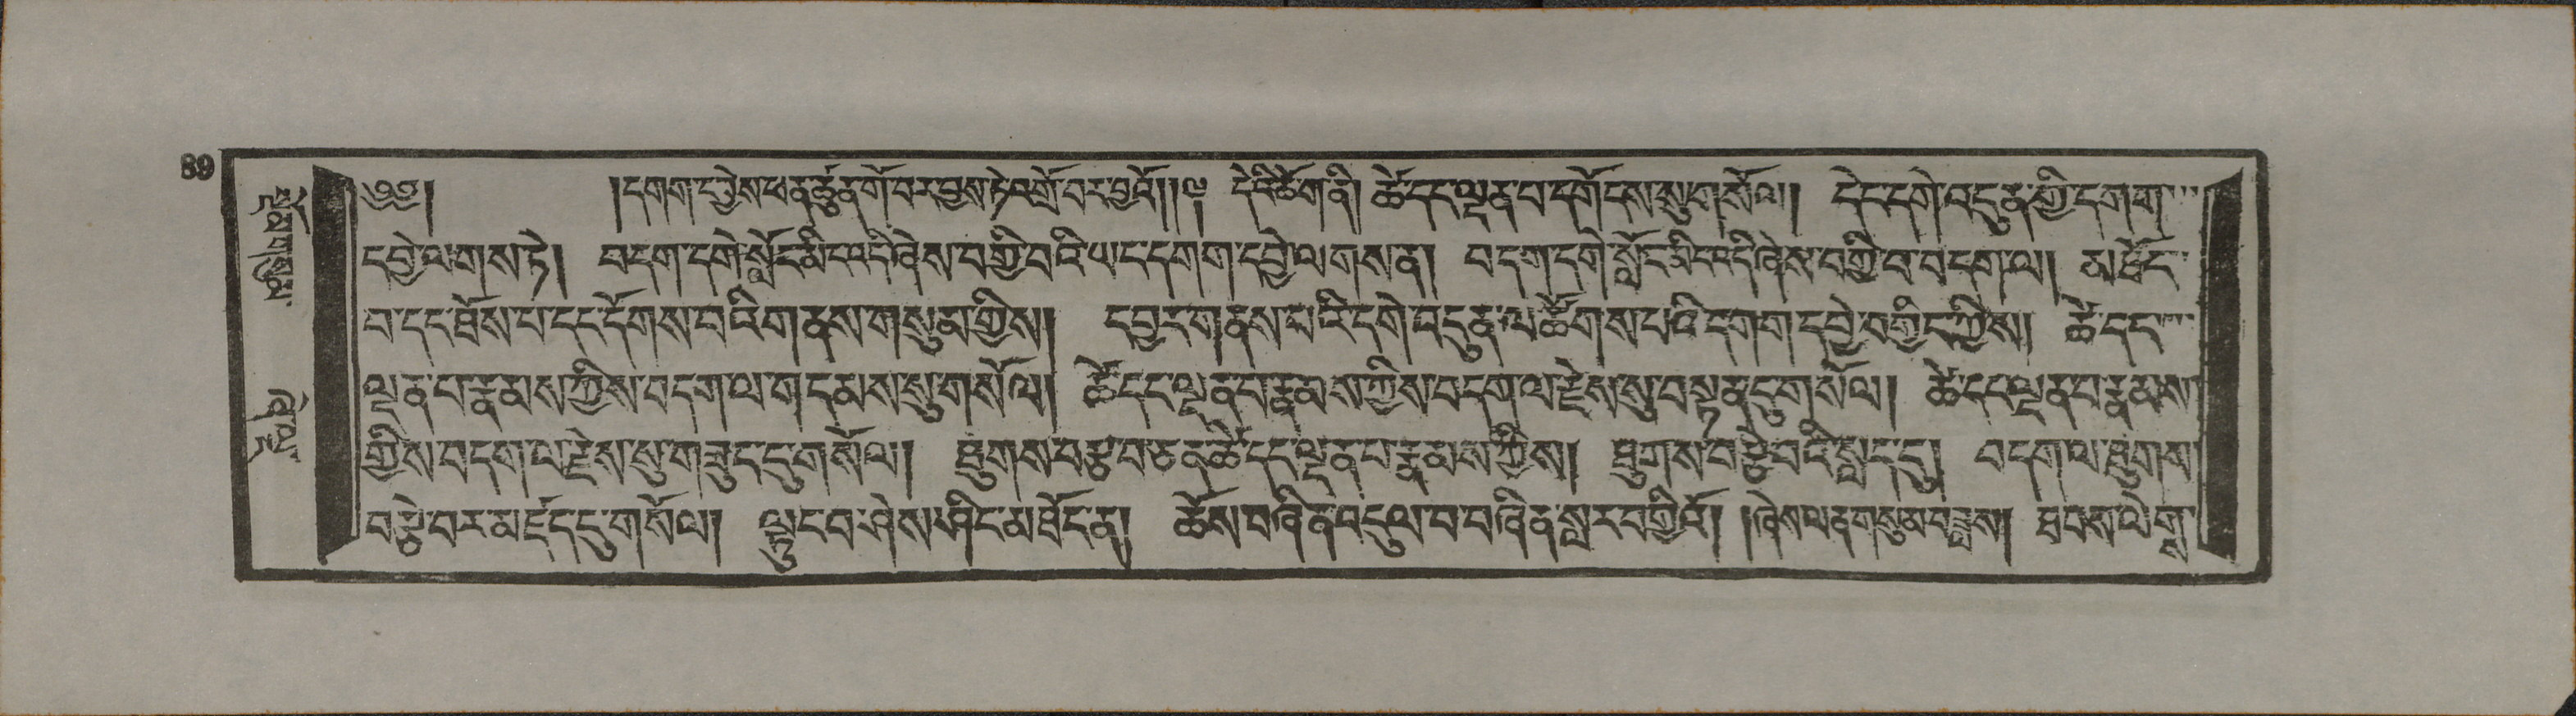༄༅། །དགག་དབྱེས་ཕན་ཚུན་གོ་བར་བྱས་ཏེ་འགྲོ་བར་བྱའོ། ། ༈ དེའི་ཆོ་ག་ནི། ཚེ་དང་ལྡན་པ་དགོངས་སུ་གསོལ། དེང་དགེ་འདུན་གྱི་དགག་
དབྱེ་ལགས་ཏེ། བདག་དགེ་སློང་མིང་འདི་ཞེས་བགྱི་བའི་ཡང་དགག་དབྱེ་ལགས་ན། བདག་དགེ་སློང་མིང་འདི་ཞེས་བགྱི་བ་བདག་ལ། མཐོང་
བ་དང་ཐོས་པ་དང་དོགས་པའི་གནས་གསུམ་གྱིས། དབྱར་གནས་པའི་དགེ་འདུན་ལ་ཚོགས་པའི་དགག་དབྱེ་བགྱིད་ཀྱིས། ཚེ་དང་
ལྡན་པ་རྣམས་ཀྱིས་བདག་ལ་གདམས་སུ་གསོལ། ཚེ་དང་ལྡན་པ་རྣམས་ཀྱིས་བདག་ལ་རྗེས་སུ་བསྟན་དུ་གསོལ། ཚེ་དང་ལྡན་པ་རྣམས་
གྱིས་བདག་ལ་རྗེས་སུ་གཟུང་དུ་གསོལ། ཐུགས་བརྩ་བ་ཅན་ཚེ་དང་ལྡན་པ་རྣམས་ཀྱིས། ཐུགས་བརྩེ་བའི་སླད་དུ། བདག་ལ་ཐུགས་
བརྩེ་བར་མཛད་དུ་གསོལ། ལྟུང་བ་ཤེས་ཤིང་མཐོང་ན། ཆོས་བཞིན་འདུལ་བ་བཞིན་སླར་བགྱིའོ། །ཞེས་ལན་གསུམ་བཟླས། ཐབས་ལེགས་